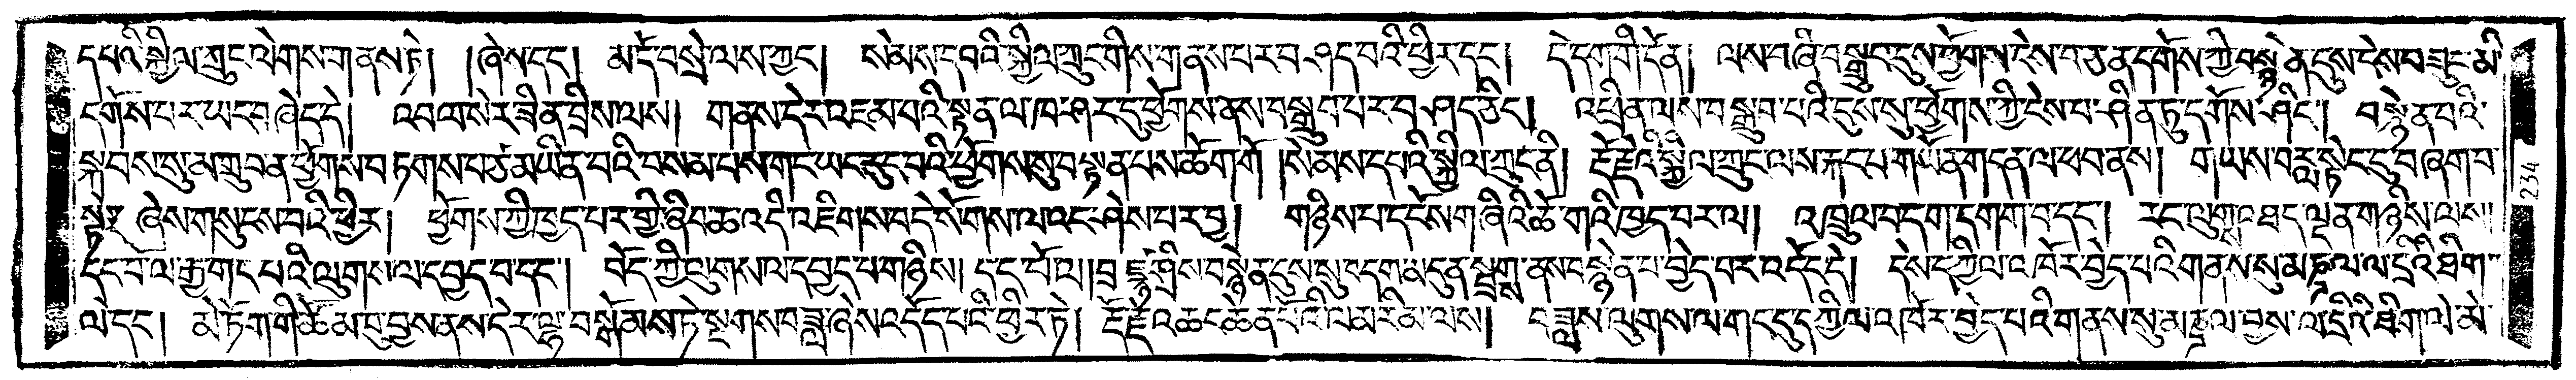དཔའི་སྐྱིལ་ཀྲུང་ལེགས་གནས་ཏེ། །ཞེས་དང་། མདོ་བསྲེ་ལས་ཀྱང་། སེམས་དཔའི་སྐྱིལ་ཀྲུང་གིས་གནས་པར་བཤད་པའི་ཕྱིར་དང་། དེ་དག་གི་དོན། ལས་བཞི་བསྒྲུབ་དུས་ཕྱོགས་ངེས་པ་ཅན་དགོས་ཀྱི་བསྙེན་དུས་དེས་བཟུང་མི་
དགོས་པར་ཡང་བཞེད་དེ། འབལ་སེར་ཟིན་བྲིས་ལས། གནས་དེར་འཇམ་པའི་སྟན་ལ་ཁ་ཤར་དུ་ཕྱོགས་ནས་བསྒྲུབ་པར་བཤད་ཅིང་། འཕྲིན་ལས་བསྒྲུབ་པའི་དུས་སུ་ཕྱོགས་ཀྱི་ངེས་པ་ཤིན་ཏུ་དགོས་ཤིང་། བསྙེན་པའི་
སྐབས་སུ་མ་གྲུབ་ན་ཕྱོགས་བཏགས་པ་ཙམ་ཡིན་པའི་བསམ་པས་གང་ཡང་རུང་བའི་ཕྱོགས་སུ་བསྟན་པས་ཆོག་གོ །སེམས་དཔའི་སྐྱིལ་ཀྲུང་ནི། རྡོ་རྗེའི་སྐྱིལ་ཀྲུང་ལས་རྐང་པ་གཡོན་གདན་ལ་ཕབ་ནས། གཡས་བརླ་སྟེང་དུ་བཞག་པ་
སྟེ༑ ཞེས་གསུངས་པའི་ཕྱིར། ཕྱོགས་ཀྱི་ཁྱད་པར་གྱི་ཞིབ་ཆ་འདི་འཇིགས་བདེ་སོགས་ལའང་ཤེས་པར་བྱ། གཉིས་པ་དངོས་གཞིའི་ཆོ་གའི་ཁྱད་པར་ལ། འཁྲུལ་བདག་དགག་བ་དང་། རང་ལུགས་འཐད་ལྡན་གཉིས་ལས།
དང་པོ་ལ་རྒྱ་གང་པའི་ལུགས་ལ་དབྱད་བ་དང་། བོད་ཀྱི་ལུགས་ལ་དབྱད་པ་གཉིས། དང་པོ་ལ། པྲཛྙ་ཤྲིས་བསྙེན་དུས་སུ་བདག་མདུན་སྦྲགས་ནས་བསྙེན་པ་བྱེད་བར་འདོད་དེ། དེས་དཀྱིལ་འཁོར་བྱེད་པའི་གནས་སུ་མཎྜལ་ལ་དྲིའི་ཐིག་
ལེ་དང་། མེ་ཏོག་གི་ཚོམ་བུ་བྱས་ནས་དེར་ལྷ་བསྒོམས་ཏེ་སྔགས་བཟླ་ཞེས་འདོད་པའི་ཕྱིར་ཏེ། རྡོ་རྗེ་འཆང་ཆེན་པོའི་ལམ་རིམ་ལས། བཟླས་ལུགས་ལ་གང་དུ་དཀྱིལ་འཁོར་བྱེད་པའི་གནས་སུ་མཎྜལ་བྱས་ལ་དྲིའི་ཐིག་ལེ་མེ་